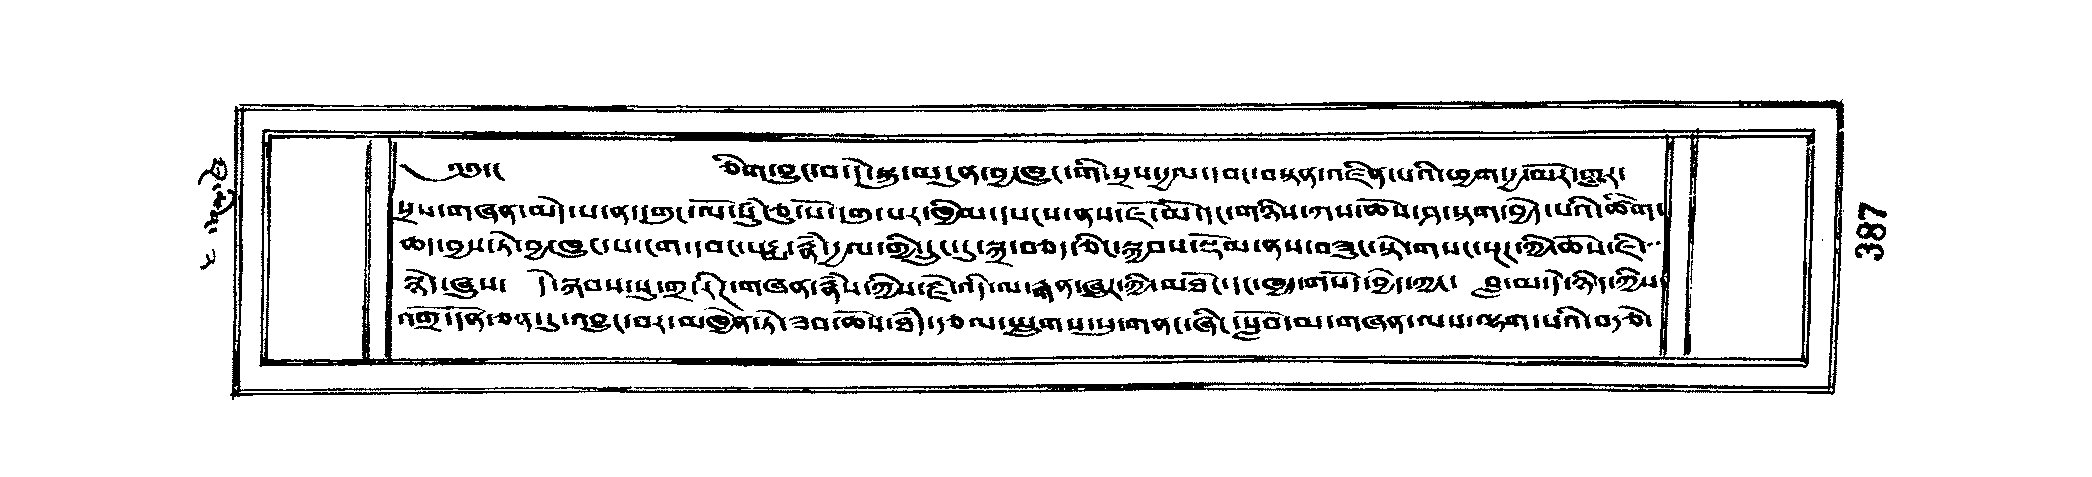གཅིག་བྱུང་བ་དེ་སྐུ་མདུན་བྱ་ཁྱུང་གི་སྲས་རྒྱལ་དབང་བསྟན་འཛིན་པའི་ཕྱག་རྒྱ་མོར་གྱུར། 
སྲས་གཞན་མེད་པ་ན་དགུང་ལོ་སུམ་ཅུ་སོ་དགུ་པར་ཁྱིམ་སྤངས་ནས་ཇོ་མོ་དང་གཉིས་ཀས་ཆོས་ཤ་སྟག་བྱེད་པའི་ཚིག་
ཆད་བྱས་ཏེ་བྱ་ཁྱུང་པ་ངག་དབང་པདྨ་རྣམ་རྒྱལ་གྱི་དྲུང་དུ་སྐྲ་བཅད་ཅིང་སྐྱབས་སྡོམ་ནས་བཟུང་སྟེ་གསང་སྔགས་ཀྱི་ཆོས་ཇི་
སྙེད་ཞུས། དེ་སྐབས་སུ་གྲྭ་རིགས་གཞན་རྣམས་ཀྱིས་རྗེ་འདི་ལ་རྒན་ཞུགས་ཀྱི་མཐོང་དང་ཁྱད་གསོད་བྱེད་ཀྱང་། བླ་མ་དེ་ཉིད་ཀྱིས་
འགྲོ་དོན་ཅན་དུ་འབྱུང་བར་མཁྱེན་ཏེ་ཟབ་ཆོས་ཐམས་ཅད་རྩལ་སྤྲུགས་སུ་གནང་ཞིང་སློབ་མ་གཞན་ལས་ལྷག་པའི་བརྩེ་བ་